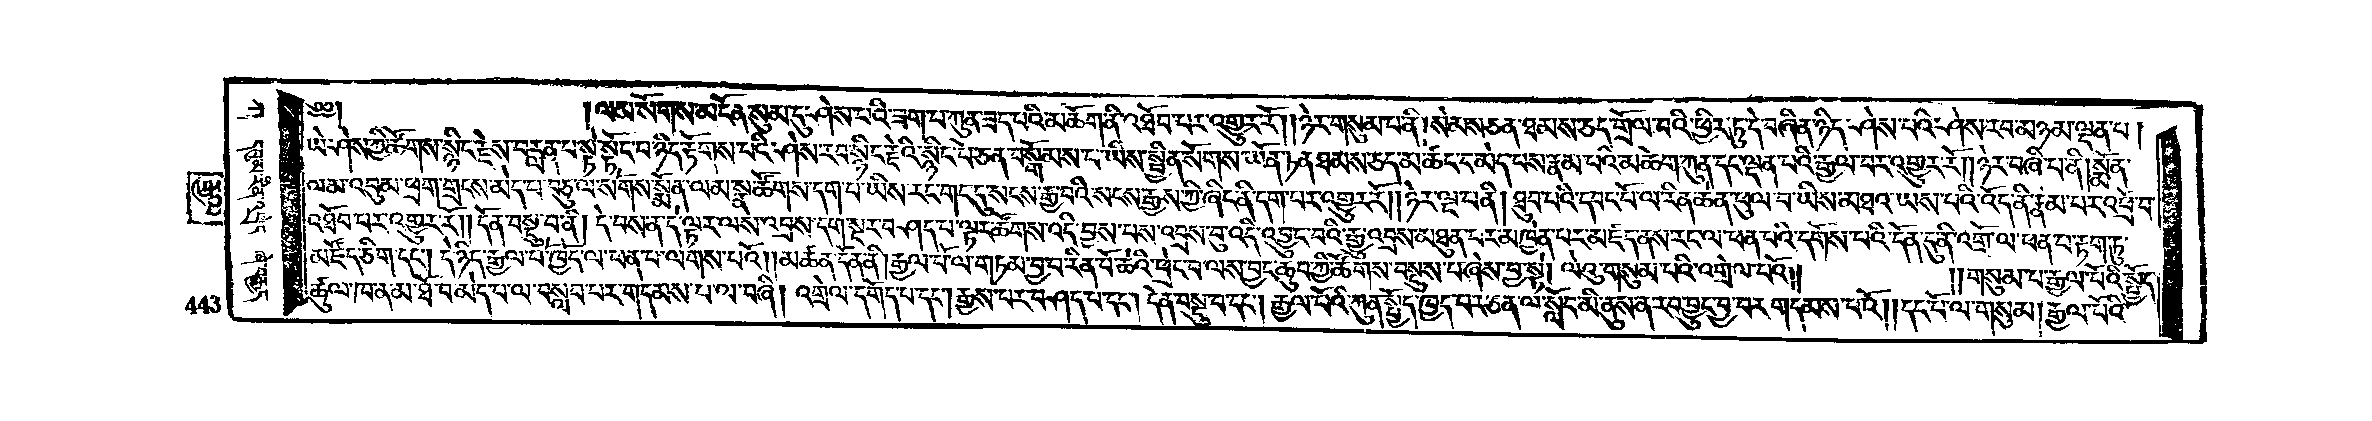༄༅། །ལམ་སོགས་མངོན་སུམ་དུ་ཤེས་པའི་ཟག་པ་ཀུན་ཟད་པའི་མཆོག་ནི་འཐོབ་པར་འགྱུར་རོ། །ཉེར་གསུམ་པ་ནི། སེམས་ཅན་ཐམས་ཅད་གྲོལ་བའི་ཕྱིར་ཏུ་དེ་བཞིན་ཉིད་ཤེས་པའི་ཤེས་རབ་མཉམ་ལྡན་པ།
ཡེ་ཤེས་ཀྱི་ཚོགས་སྙིང་རྗེས་བརླན་པ་སྟེ་སྟོང་པ་ཉིད་རྟོགས་པའི་ཤེས་རབ་སྙིང་རྗེའི་སྙིང་པོ་ཅན་བསྒོམས་པ་ཡིས་སྦྱིན་སོགས་ཡོན་ཏན་ཐམས་ཅད་མ་ཚང་བ་མེད་པས་རྣམ་པའི་མཆོག་ཀུན་དང་ལྡན་པའི་རྒྱལ་བར་འགྱུར་རོ། །ཉེར་བཞི་པ་ནི། སྨོན་
ལམ་འབུམ་ཕྲག་གྲངས་མེད་པ་བཅུ་ལ་སོགས་སྨོན་ལམ་སྣ་ཚོགས་དག་པ་ཡིས་རང་གང་དུ་སངས་རྒྱ་བའི་སངས་རྒྱས་ཀྱི་ཞིང་ནི་དག་པར་འགྱུར་རོ། །ཉེར་ལྔ་པ་ནི། ཐུབ་པའི་དབང་པོ་ལ་རིན་ཆེན་ཕུལ་བ་ཡིས་མཐའ་ཡས་པའི་འོད་ནི་རྣམ་པར་འཕྲོ་བ་
འཐོབ་པར་འགྱུར་རོ། །དོན་བསྡུ་བ་ནི། དེ་བས་ན་དེ་ལྟར་ལས་འབྲས་དག་སྔར་བཤད་པ་ལྟར་ཚོགས་འདི་བྱས་པས་འབྲས་བུ་འདི་འབྱུང་བའི་རྒྱུ་འབྲས་མཐུན་པར་མཁྱེན་པར་མཛད་ནས་རང་ལ་ཕན་པའི་དགོས་པའི་དོན་དུ་ནི་འགྲོ་ལ་ཕན་པ་རྟག་ཏུ་
མཛོད་ཅིག་དང་། དེ་ཉིད་རྒྱལ་པོ་ཁྱོད་ལ་ཕན་པ་ལགས་པའོ། །མཚན་དོན་ནི། །རྒྱལ་པོ་ལ་གཏམ་བྱ་བ་རིན་པོ་ཆེའི་ཕྲེང་བ་ལས་བྱང་ཆུབ་ཀྱི་ཚོགས་བསྡུས་པ་ཞེས་བྱ་སྟེ། ལེའུ་གསུམ་པའི་འགྲེལ་པའོ།། །།གསུམ་པ་རྒྱལ་པོའི་སྤྱོད་
ཚུལ་ཁ་ན་མ་ཐོ་བ་མེད་པ་ལ་བསླབ་པར་གདམས་པ་ལ་བཞི། འགྲེལ་དགོད་པ་དང་། རྒྱས་པར་བཤད་པ་དང་། དོན་བསྡུ་བ་དང་། རྒྱལ་པོའི་ཀུན་སྤྱོད་ཁྱད་པར་ཅན་ལ་སློང་མི་ནུས་ན་རབ་བྱུང་བྱ་བར་གདམས་པའོ། །དང་པོ་ལ་གསུམ། རྒྱལ་པོའི་